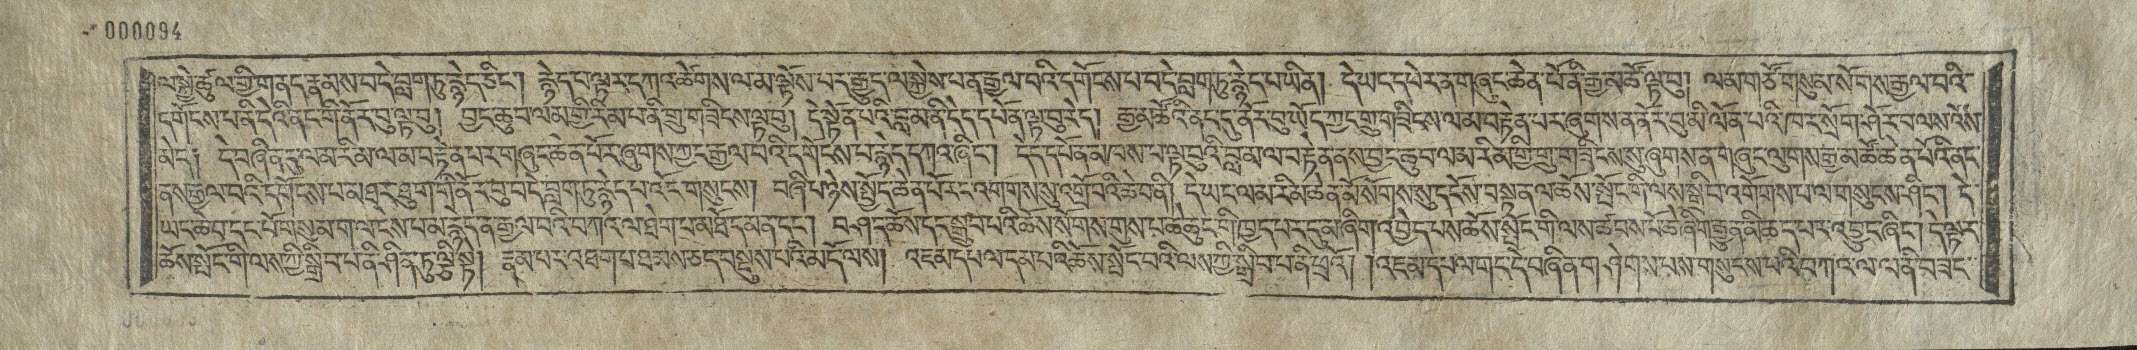ལ་སྐྱེ་ཚུལ་གྱི་གནད་རྣམས་བདེ་བླག་ཏུ་རྙེད་ཅིང་། རྙེད་པ་ལྟར་དཀའ་ཚེགས་ལ་མ་ལྟོས་པར་རྒྱུད་ལ་སྐྱེས་པ་ན་རྒྱལ་བའི་དགོངས་པ་བདེ་བླག་ཏུ་རྙེད་པ་ཡིན། དེ་ཡང་དཔེར་ན་གཞུང་ཆེན་པོ་ནི་རྒྱ་མཚོ་ལྟ་བུ། ལམ་གཙོ་གསུམ་སོགས་རྒྱལ་བའི་
དགོངས་པ་ནི་དེའི་ནང་གི་ནོར་བུ་ལྟ་བུ། བྱང་ཆུབ་ལམ་གྱི་རིམ་པ་ནི་གྲུ་གཟིངས་ལྟ་བུ། དེ་སྟོན་པའི་བླ་མ་ནི་དེད་དཔོན་ལྟ་བུ་རེད། རྒྱ་མཚོའི་ནང་དུ་ནོར་བུ་ཡོད་ཀྱང་གྲུ་གཟིངས་ལ་མ་བརྟེན་པར་ཞུགས་ན་ནོར་བུ་མི་ལོན་པའི་ཁར་སྲོག་ཤོར་བ་ལས་འོས་
མེད༑ དེ་བཞིན་དུ་ལམ་རིམ་ལ་མ་བརྟེན་པར་གཞུང་ཆེན་པོར་ཞུགས་ཀྱང་རྒྱལ་བའི་དགོངས་པ་རྙེད་དཀའ་ཞིང་། དེད་དཔོན་མཁས་པ་ལྟ་བུའི་བླ་མ་ལ་བརྟེན་ནས་བྱང་ཆུབ་ལམ་རིམ་གྱི་གྲུ་གཟིངས་སུ་ཞུགས་ན་གཞུང་ལུགས་རྒྱ་མཚོ་ཆེན་པོའི་ནང་
ནས་རྒྱལ་བའི་དགོངས་པ་མཐར་ཐུག་གི་ནོར་བུ་བདེ་བླག་ཏུ་རྙེད་པ་འོང་གསུངས། བཞི་པ་ཉེས་སྤྱོད་ཆེན་པོ་རང་འགགས་སུ་འགྲོ་བའི་ཆེ་བ་ནི། དེ་ཡང་ལམ་རིམ་ཆེན་མོ་སོགས་སུ་དངོས་བསྟན་ལ་ཆོས་སྤོང་གི་ལས་སྒྲིབ་འགོགས་པ་ལ་གསུངས་ཤིང་། དེ་
ཡང་ཆེ་བ་དང་པོ་གསུམ་ག་ལ་ངེས་པ་མ་རྙེད་ན་རྒྱལ་བའི་བཀའ་ལ་ཐེག་པ་མཐོ་དམན་དང་། བཤད་ཆོས་དང་སྒྲུབ་པའི་ཆོས་སོགས་གུས་པ་ཆེ་ཆུང་གི་ཁྱད་པར་དུ་མ་ཞིག་འབྱེད་པས་ཆོས་སྤོང་གི་ལས་ཚབས་པོ་ཆེ་ཞིག་རྒྱུན་མི་ཆད་པར་འབྱུང་ཞིང་། དེ་ལྟར་
ཆོས་སྤོང་གི་ལས་ཀྱི་སྒྲིབ་པ་ནི་ཤིན་ཏུ་ལྕི་སྟེ། རྣམ་པར་འཐག་པ་ཐམས་ཅད་བསྡུས་པའི་མདོ་ལས། འཇམ་དཔལ་དམ་པའི་ཆོས་སྤོང་བའི་ལས་ཀྱི་སྒྲིབ་པ་ནི་ཕྲའོ། །འཇམ་དཔལ་གང་དེ་བཞིན་གཤེགས་པས་གསུངས་པའི་བཀའ་ལ་ལ་ནི་བཟང་